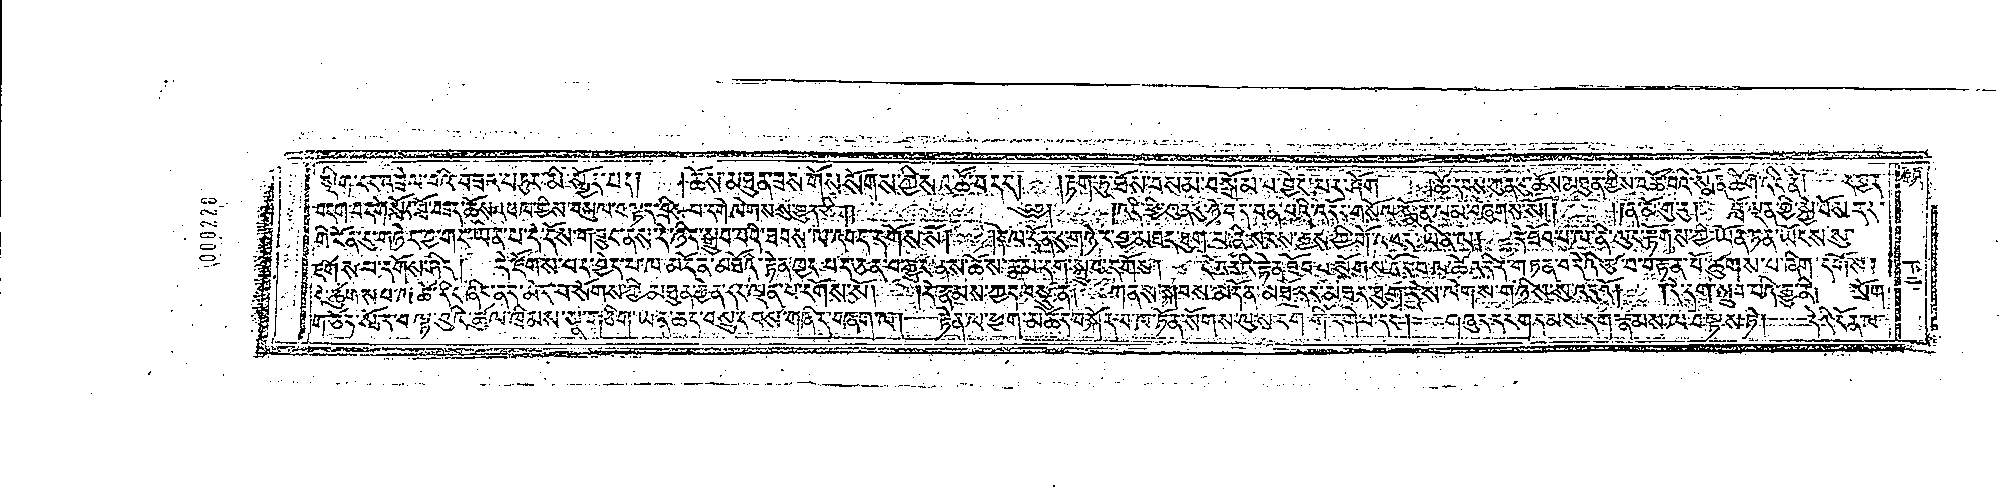སྡིག་དང་འབྲེལ་བའི་བཟའ་བཏུང་མི་སྤྱོད་པར། །ཆོས་མཐུན་ཟས་གོས་སོགས་ཀྱིས་འཚོ་བ་དང་། །རྟག་ཏུ་ཐོས་བསམ་བསྒོམ་པ་བྱེད་པར་ཤོག །ཚེ་རབས་ཀུན་དུ་ཆོས་མཐུན་གྱིས་འཚོ་བའི་སྨོན་ཚིག་འདི་ནི། དབྱར་
བདག་བ་དགེ་སློང་བློ་བཟང་ཆོས་འཕེལ་གྱིས་བསྐུལ་བ་ལྟར་བྲིས་པ་དགེ་ལེགས་སུ་གྱུར་ཅིག།། ༄༅། །འདི་ཕྱི་ཀུན་དུ་ཉེ་བར་ཕན་པའི་འདོད་གསོལ་སྨོན་ལམ་བཞུགས་སོ།། །།ན་མོ་གུ་རུ། བློ་ལྡན་གྱི་སྐྱེ་བོས་རང་
གི་དོན་དུ་གཉེར་བྱ་གང་ཡིན་པ་དེ་ངོས་གཟུང་ནས་དེ་ཉིད་སྒྲུབ་པའི་ཐབས་ལ་འབད་དགོས་སོ། །དེ་ལ་དོན་དུ་གཉེར་བྱ་མཐར་ཐུག་པ་ནི་སངས་རྒྱས་ཀྱི་གོ་འཕང་ཡིན་ལ། དེ་ཐོབ་པ་ལ་ནི་ལུང་རྟོགས་ཀྱི་ཡོན་ཏན་ཡོངས་སུ་
རྫོགས་པ་དགོས་ཤིང་། དེ་རྫོགས་པར་བྱེད་པ་ལ་མངོན་མཐོའི་རྟེན་ཁྱད་པར་ཅན་བརྒྱུད་ནས་ཆོས་རྣམ་དག་སྒྲུབ་དགོས། དེ་འདྲའི་རྟེན་ཐོབ་པ་སོགས་འོད་བ་ལ་ཚེ་འདིར་གཏན་བདེའི་རྩ་བ་བརྟན་པོ་ཚུགས་པ་ཞིག་དགོས།
དེ་ཚུགས་པ་ལ་ཚེ་རིང་ཞིང་ནད་མེད་བ་སོགས་ཀྱི་མཐུན་རྐྱེན་དང་ལྡན་པ་དགོས་སོ། །དེ་རྣམས་ཀྱང་བསྡུ་ན། གནས་སྐབས་མདོར་མཐོ་དང་མཐར་ཐུག་ངེས་ལེགས་གཉིས་སུ་འདུའོ། །དེ་དག་སྒྲུབ་པའི་རྒྱུ་ནི། སྲོག་
གཅོད་སྤོང་བ་ལྟ་བུའི་ཚུལ་ཁྲིམས་སྣ་གཅིག་ཡན་ཆད་བསྲུང་བས་གཞིར་བཞག་ལ། རྟེན་ལ་ཕྱག་མཆོད་བསྐོར་བ་ཁ་ཏོན་སོགས་ལུས་ངག་གི་དགེ་པ་དང་། གཞུང་དང་གདམས་ངག་རྣམས་ལ་བལྟས་ཏེ། དེའི་དོན་ལ་